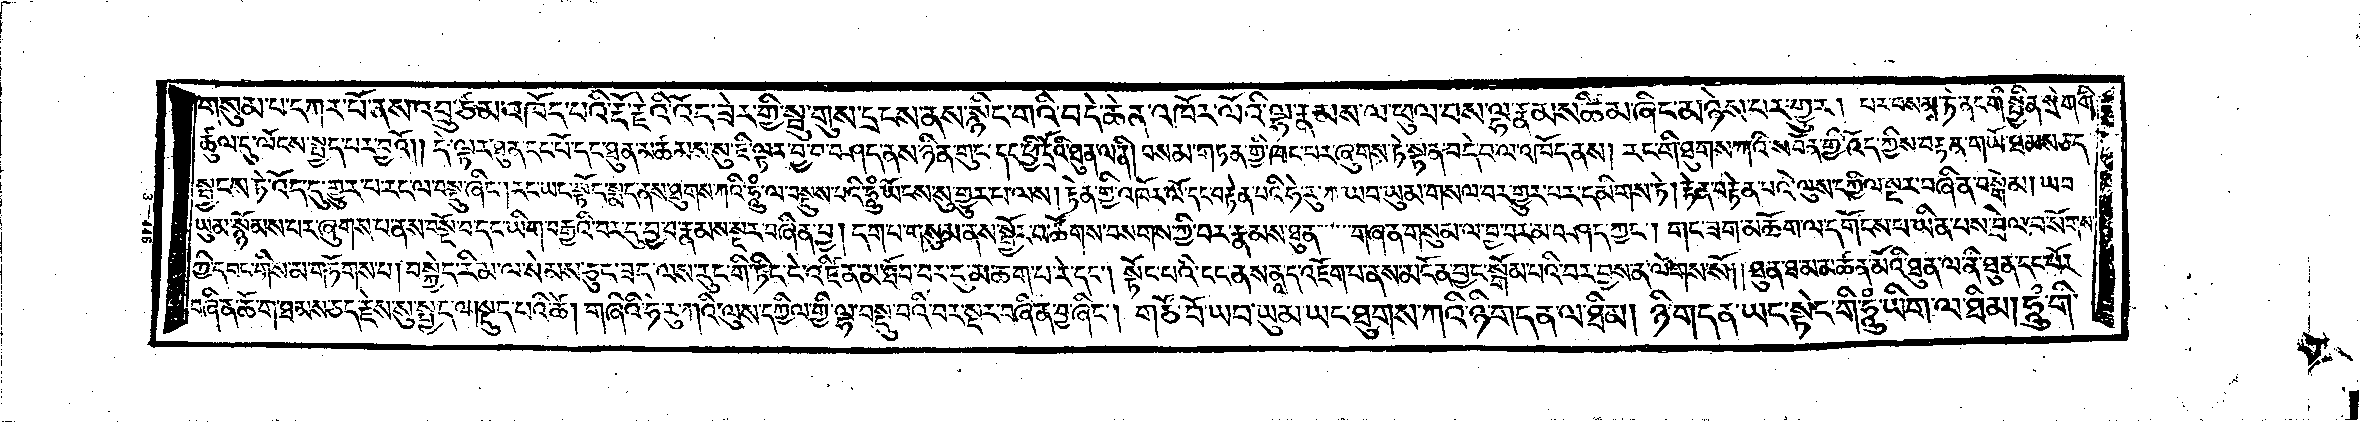གསུམ་པ་དཀར་པོ་ནས་འབྲུ་ཙམ་འཁོད་པའི་རྡོ་རྗེའི་འོད་ཟེར་གྱི་སྦུ་གུས་དྲངས་ནས་སྙིང་གའི་བདེ་ཆེན་འཁོར་ལོའི་ལྷ་རྣམས་ལ་ཕུལ་བས་ལྷ་རྣམས་ཚིམ་ཞིང་མཉེས་པར་གྱུར། པར་བསམས་ཏེ་ནང་གི་སྤྱིན་སྲེག་གི་
ཚུལ་དུ་ལོངས་སྤྱད་པར་བྱའོ། ། དེ་ལྟར་ཐུན་དང་པོ་དང་ཐུན་མཚམས་སུ་ཇི་ལྟར་བྱ་བ་བཤད་ནས་ཉིན་གུང་དང་ཕྱི་དྲོའི་ཐུན་ལ་ནི། བསམ་གཏན་གྱི་ཁང་པར་ཞུགས་ཏེ་སྟན་བདེ་བ་ལ་འཁོད་ནས། རང་གི་ཐུགས་ཀའི་ས་བོན་གྱི་འོད་ཀྱིས་བརྟན་གཡོ་ཐམས་ཅད་
སྦྱངས་ཏེ་འོད་དུ་གྱུར་པ་རང་ལ་བསྡུ་ཞིང་།རང་ཡང་སྟོང་སྨད་ནས་ཐུགས་ཀའི་ཧཱུཾ་ལ་བསྡུས་པའི་ཧཱུཾ་ཡོངས་སུ་གྱུར་པ་ལས་།རྟེན་གྱི་འཁོར་ལོ་དང་བརྟེན་པའི་ཧེ་རུ་ཀ་ཡབ་ཡུམ་གསལ་བར་གྱུར་པར་དམིགས་ཏེ། རྟེན་བརྟེན་པའི་ལུས་དཀྱིལ་སྔར་བཞིན་བསྒེམ། ཡབ་
ཡུམ་སྙོམས་པར་ཞུགས་པ་ནས་བསྔོ་བ་དང་ཡིག་བརྒྱའི་བར་དུ་བྱ་བ་རྣམས་སྔར་བཞིན་བྱ། དག་པ་གསུམ་ནས་སྦྱོར་བ་ཚོགས་བསགས་ཀྱི་བར་རྣམས་ཐུན་གཞན་གསུམ་ལ་བྱ་བར་མ་བཤད་ཀྱང་། གང་ཟག་མཆོག་ལ་དགོངས་པ་ཡིན་པས་བྲེལ་བ་སོགས་
ཀྱི་དབང་གིས་མ་གཏོགས་པ། བསྐྱེད་རིམ་ལ་སེམས་ཅུང་ཟད་ལས་རུང་གི་ཏིང་ངེ་འཛིན་མ་ཐོབ་བར་དུ་མ་ཆག་པ་རེ་དང་། སྟོང་པའི་ངང་ནས་ནཱ་ད་འཇོག་པ་ནས་མངོན་བྱང་སྒོམ་པའི་བར་བྱས་ན་ལོགས་སོ། །ཐུན་ཐ་མ་མཚན་མོའི་ཐུན་ལ་ནི་ཐུན་དང་པོར་
བཞིན་ཆོ་ག་ཐམས་ཅད་རྗེས་སུ་སྤྱད་ལ་།སྡུད་པའི་ཚེ། གཞིའི་ཧེ་རུ་ཀའི་ལུས་དཀྱིལ་གྱི་ལྷ་བསྡུ་བའི་བར་སྔར་བཞིན་བྱ་ཞིང་། གཙོ་བོ་ཡབ་ཡུམ་ཡང་ཐུགས་ཀའི་ཉི་གདན་ལ་ཐིམ། ཉི་གདན་ཡང་སྟེང་གི་ཧཱུཾ་ཡིག་ལ་ཐིམ། ཧཱུཾ་གི་